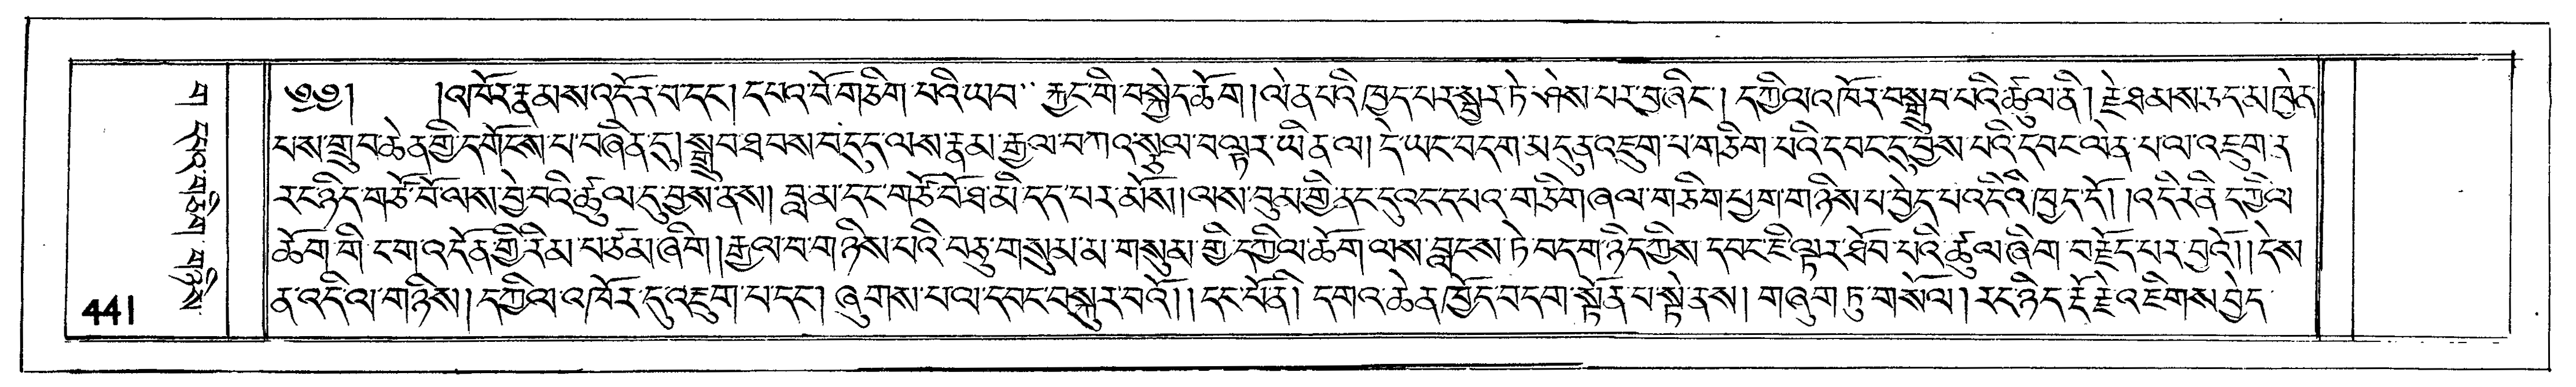༄༅། །འཁོར་རྣམས་འདོར་བ་དང་། དཔའ་བོ་གཅིག་པའི་ཡབ་རྐྱང་གི་བསྐྱེད་ཆོག །ལེན་པའི་ཁྱད་པར་སྦྱར་ཏེ་ཤེས་པར་བྱ་ཞིང་། དཀྱིལ་འཁོར་བསྒྲུབ་པའི་ཚུལ་ནི། རྗེ་ཐམས་ཅད་མཁྱེན་
པས་གྲུབ་ཆེན་གྱི་དགོངས་པ་བཞིན་དུ། སྒྲུབ་ཐབས་བདུད་ལས་རྣམ་རྒྱལ་བཀའ་སྩལ་བ་ལྟར་ཡིན་ལ། དེ་ཡང་བདག་མདུན་འཇུག་པ་གཅིག་པའི་དབང་དུ་བྱས་པའི་དབང་ལེན་པ་ལ་འཇུག་ན་
རང་ཉིད་གཙོ་བོ་ལས་བྱེ་བའི་ཚུལ་དུ་བྱས་ནས། བླ་མ་དང་གཙོ་བོ་ཐ་མི་དད་པར་མོས། ལས་བུམ་གྱི་ནང་དུའང་དཔའ་གཅིག་ཞལ་གཅིག་ཕྱག་གཉིས་པ་བྱེད་པ་འདིའི་ཁྱད་དོ། །འདིར་ནི་དཀྱིལ་
ཆོག་གི་ངག་འདོན་གྱི་རིམ་པ་ཙམ་ཞིག །རྒྱལ་བ་གཉིས་པའི་བཅུ་གསུམ་མ་གསུམ་གྱི་དཀྱིལ་ཆོག་ལས་བླངས་ཏེ་བདག་ཉིད་ཀྱིས་དབང་ཇི་ལྟར་ཐོབ་པའི་ཚུལ་ཞིག་བརྗོད་པར་བྱའོ། །དེས་
ན་འདི་ལ་གཉིས། དཀྱིལ་འཁོར་དུ་འཇུག་པ་དང་། ཞུགས་པ་ལ་དབང་བསྐུར་བའོ། །དང་པོ་ནི། དགའ་ཆེན་ཁྱོད་བདག་སྟོན་པ་སྟེ་ནས། གཞུག་ཏུ་གསོལ། རང་ཉིད་རྡོ་རྗེ་འཇིགས་བྱེད་